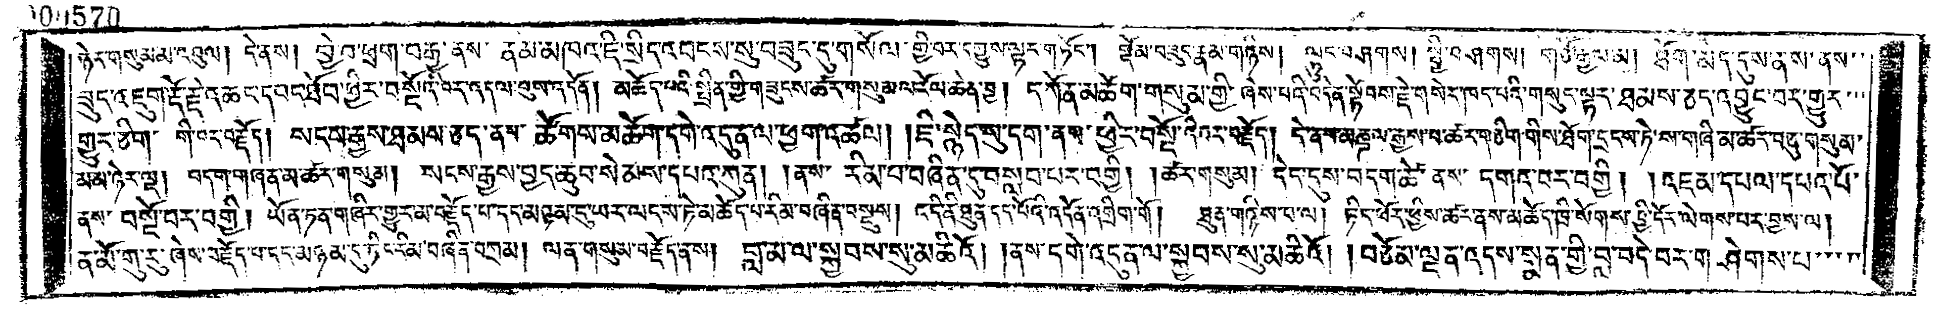ཉེར་གསུམ་མ་འབུལ། དེ་ནས། བྱེ་བ་ཕྲག་བརྒྱ་ནས་ནམ་མཁའ་ཇི་སྲིད་འབངས་སུ་བཟུང་དུ་གསོལ་གྱི་བར་དཀྱུས་ལྟར་གཏོང་། སྡོམ་བཟུང་རྣམ་གཉིས། ལྟུང་བཤགས། སྤྱི་བཤགས། གཙོ་རྒྱལ་མ།  ཐོག་མེད་དུས་ནས་ནས་
ཟུང་འཇུག་རྡོ་རྗེ་འཆང་དབང་ཐོབ་ཕྱིར་བསྔོའི་བར་འདལ་བུས་འདོན། མཆོད་པའི་སྤྲིན་གྱི་གཟུངས་ཚར་གསུམ་ལ་རོལ་ཆེན་བྱ།  དཀོན་མཆོག་གསུམ་གྱི་ཞེས་པའི་བདེན་སྟོབས་རྗེ་གསེར་ཁང་པའི་གསུང་ལྟར་ཐམས་ཅད་འབྱུང་བར་གྱུར་
གྱུར་ཅིག་གི་བར་བརྗོད།  སངས་རྒྱས་ཐམས་ཅད་ནས་ཚོགས་མཆོག་དགེ་འདུན་ལ་ཕྱག་འཚལ། །ཇི་སྙེད་སུ་དག་ནས་ཕྱིར་བསྔོའི་བར་བརྗོད། དེ་ནས་མཎྜལ་རྒྱས་པ་ཚར་གཅིག་གིས་ཐོག་དྲངས་ཏེ་ས་གཞི་མ་ཚར་བཅུ་གསུམ་
མམ་ཉེར་ལྔ། བདག་གཞན་མ་ཚར་གསུམ། སངས་རྒྱས་བྱང་ཆུབ་སེམས་དཔའ་ཀུན། །ནས་རིམ་པ་བཞིན་དུ་བསླབ་པར་བགྱི། ། ཚར་གསུམ།  དེང་དུས་བདག་ཚེ་ནས་དགའ་བར་བགྱི། །འཇམ་དཔལ་དཔའ་བོ་
ནས་བསྔོ་བར་བགྱི། ཡོན་ཏན་གཞིར་གྱུར་མ་བརྗོད་པ་དང་མཉམ་དུ་ཡར་ལངས་ཏེ་མཆོད་པ་རིམ་བཞིན་བསྡུས། འདི་ནི་ཐུན་དང་པོའི་འདོན་འགྲིག་གོ །ཐུན་གཉིས་པ་ལ། ཏིང་ཕོར་ཕྱིས་ཚར་ནས་མཆོད་ཁྲི་སོགས་བྱི་དོར་ལེགས་པར་བྱས་ལ།
ན་མོ་གུ་རུ་ཞེས་བརྗོད་པ་དང་མཉམ་དུ་ཏིང་རིམ་བཞིན་བཀྲམ། ལན་གསུམ་བརྗོད་ནས།  བླ་མ་ལ་སྐྱབས་སུ་མཆིའོ། །ནས་དགེ་འདུན་ལ་སྐྱབས་སུ་མཆིའོ། །བཅོམ་ལྡན་འདས་སྨན་གྱི་བླ་བདེ་བར་གཤེགས་པ་